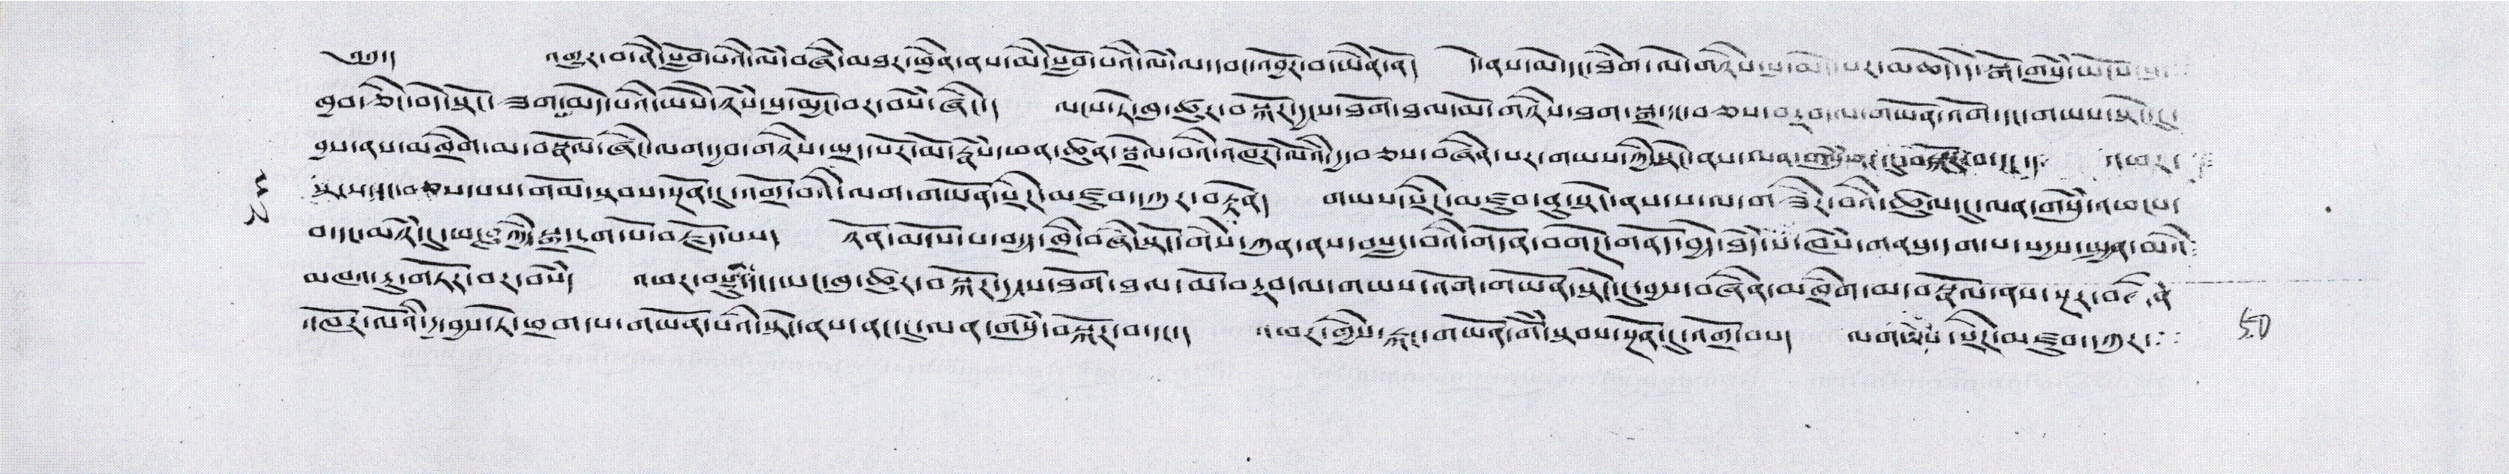འགྱུར་བ་ནི་སློབ་པའི་ལམ་བཞི་མཐར་ཕྱིན་ནས་མི་སློབ་པའི་ལམ་ལ་དབང་འབྱོར་བ་ཡིན་ནོ། དེ་ནས་མེ་དང་ཐིག་ལེ་གཉིས་སུ་མེད་པར་མཆེད་དེ་སྒོ་གསུམ་ཡོངས་སུ་
ཁྱབ་ཅིང་བདེ་སྟོང་ཟག་པ་མེད་པའི་ཡེ་ཤེས་ཉམས་སུ་མྱོང་བར་བསམ་ཞིང་། ལངས་ཏེ་ཁུ་ཚུར་སྐོར་རྒྱངས་ཐོག་ཐལ་མོ་གཉིས་ཐག་སྒྲ་དང་བཅས་བརྡབ་ལ་གཡོན་འོག་དང་གཡས་སྟེང་དུ་
བྱས་ནས་མཁྲིག་མ་བསྣོལ་ཞིང་ལག་རྒྱབ་གཉིས་སྤྲད་སོར་མོ་རྣམས་ཕན་ཚུན་སྦྲེལ་བའི་འཁོར་ལོའི་རྒྱ་བཅས་བཞིན་པར་གཡས་ཀྱི་སྟེང་ནས་ལན་གསུམ་ནང་དུ་བསྐོར་བ་དང་། འཕར་
སྟངས་དང་བཅས་པས་གོམས་སྟབས་སྔོན་དུ་འགྲོ་བའི་ལག་གཡོན་སྡིགས་མཛུབས་དཀུར་བརྟེན། གཡས་སྡིགས་མཛུབ་ནུ་སྟེང་ནས་ས་ལ་གཟིར་བའི་ཚུལ་དུ་ལན་གསུམ་འཕངས་
པ་དང་མཉམ་དུ་ཕཊཿཀྱི་སྒྲ་དྲག་པོ་བརྗོད་པས། ཉོན་མོངས་པ་བརྒྱད་ཁྲི་བཞི་སྟོང་གིས་ཀུན་ནས་བསླངས་པའི་གདོན་བགེགས་གནོད་བྱེད་ཐམས་ཅད་པོ་ཁམས་གནས་སུ་དག་པ་སངས་རྒྱས་སྤྱན་མའི་
མཁའ་རུ་གཏོར་བར་བསམ། འཕར་བསྡུ་བ་དང་ཡང་ཁུ་ཚུར་སྐོར་རྒྱངས་ཐོག་ཐལ་མོ་བརྡབ་ལ་གཡས་འོག་གཡོན་སྟེང་དུ་བྱས་བཞིན་མཁྲིག་མ་བསྣོལ་ནས་སྔར་བཞིན་
འཁོར་ལོའི་རྒྱ་བྱས་ཏེ་ཕྲག་པ་གཡོན་པའི་སྟེང་ནས་ནང་དུ་ལན་གསུམ་བསྐོར་བ་དང་། འཕར་གྱིས་རྐང་གཡོན་གོམ་སྟབས་སྔོན་དུ་འགྲོ་བས། ལག་གཡས་སྡིགས་མཛུབ་དཀུར་